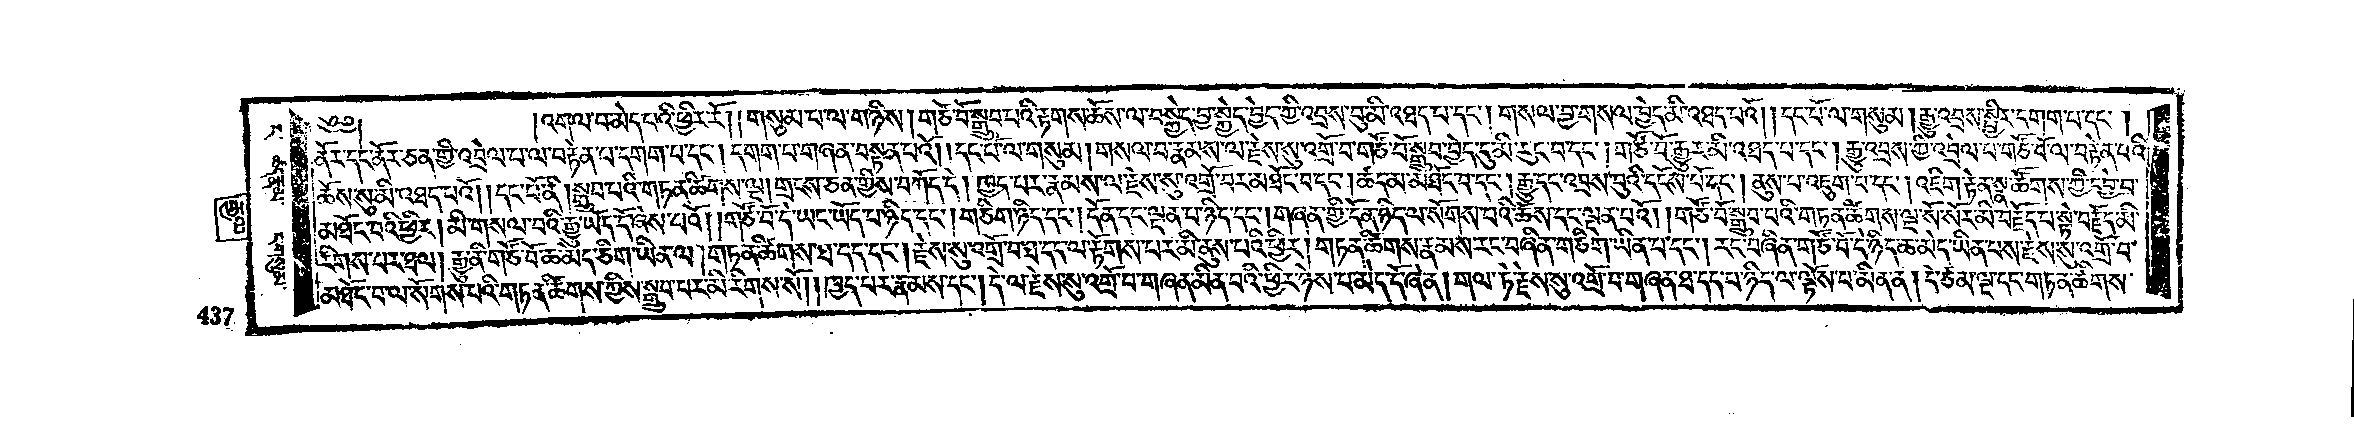༄༅། །འགལ་བ་མེད་པའི་ཕྱིར་རོ། །གསུམ་པ་ལ་གཉིས། གཙོ་བོ་སྒྲུབ་པའི་རྟགས་ཆོས་ལ་བསྐྱེད་བྱ་སྐྱེད་བྱེད་ཀྱི་འབྲས་བུ་མི་འཐད་པ་དང་། གསལ་བྱ་གསལ་བྱེད་མི་འཐད་པའོ། །དང་པོ་ལ་གསུམ། རྒྱུ་འབྲས་སྤྱིར་དགག་པ་དང་།
ནོར་དང་ནོར་ཅན་གྱི་འབྲེལ་པ་ལ་བརྟེན་པ་དགག་པ་དང་། དགག་པ་གཞན་བསྟན་པའོ། །དང་པོ་ལ་གསུམ། གསལ་བ་རྣམས་ལ་རྗེས་སུ་འགྲོ་བ་གཙོ་བོ་སྒྲུབ་བྱེད་དུ་མི་རུང་བ་དང་། གཙོ་བོ་རྒྱུར་མི་འཐད་པ་དང་། རྒྱུ་འབྲས་ཀྱི་འབྲེལ་པ་གཙོ་བོ་ལ་བརྟེན་པའི་
ཆོས་སུ་མི་འཐད་པའོ། །དང་པོ་ནི། སྒྲུབ་པའི་གཏན་ཚིགས་ལྔ། གྲངས་ཅན་གྱིས་བཀོད་དེ། ཁྱད་པར་རྣམས་ལ་བརྗེས་སུ་འགྲོ་བར་མཐོང་བ་དང་། ཚད་མ་མཐོང་བ་དང་། རྒྱུ་དང་འབྲས་བུའི་དངོས་པོ་དང་། ནུས་པ་འཇུག་པ་དང་། འཇིག་རྟེན་སྣ་ཚོགས་ཀྱི་དབྱེ་བ་
མཐོང་བའི་ཕྱིར། མི་གསལ་བའི་རྒྱུ་ཡོད་དོ་ཞེས་པའོ། །གཙོ་བོ་དེ་ཡང་ཡོད་པ་ཉིད་དང་། གཅིག་ཉིད་དང་། དོན་དང་ལྡན་པ་ཉིད་དང་། གཞན་གྱི་དོན་ཉིད་ལ་སོགས་པའི་ཆོས་དང་ལྡན་པའོ། །གཙོ་བོ་སྒྲུབ་པའི་གཏན་ཚིགས་ལྔ་སོ་སོར་མི་བརྗོད་པ་སྟེ་བརྗོད་མི་
རིགས་པར་ཐལ། རྒྱུ་ནི་གཙོ་བོ་ཆ་མེད་ཅིག་ཡིན་ལ། གཏན་ཚིགས་ཐ་དད་དང་། རྗེས་སུ་འགྲོ་བ་ཐ་དད་ལ་རྟོགས་པར་མི་ནུས་པའི་ཕྱིར། གཏན་ཚིགས་རྣམས་རང་བཞིན་གཅིག་ཡིན་པ་དང་། རང་བཞིན་གཙོ་བོ་དེ་ཉིད་ཆ་མེད་ཡིན་པས་རྗེས་སུ་འགྲོ་བ་
མཐོང་བ་ལ་སོགས་པའི་གཏན་ཚིགས་ཀྱིས་སྒྲུབ་པར་མི་རིགས་སོ། །ཁྱད་པར་རྣམས་དང་། དེ་ལ་རྗེས་སུ་འགྲོ་བ་གཞན་མིན་པའི་ཕྱིར་ཉེས་པ་མེད་དོ་ཞེ་ན། གལ་ཏེ་རྗེས་སུ་འགྲོ་བ་གཞན་ཐ་དད་པ་ཉིད་ལ་ལྟོས་པ་མིན་ནོ། །དེ་ཙམ་ལྔ་དང་གཏན་ཚིགས་